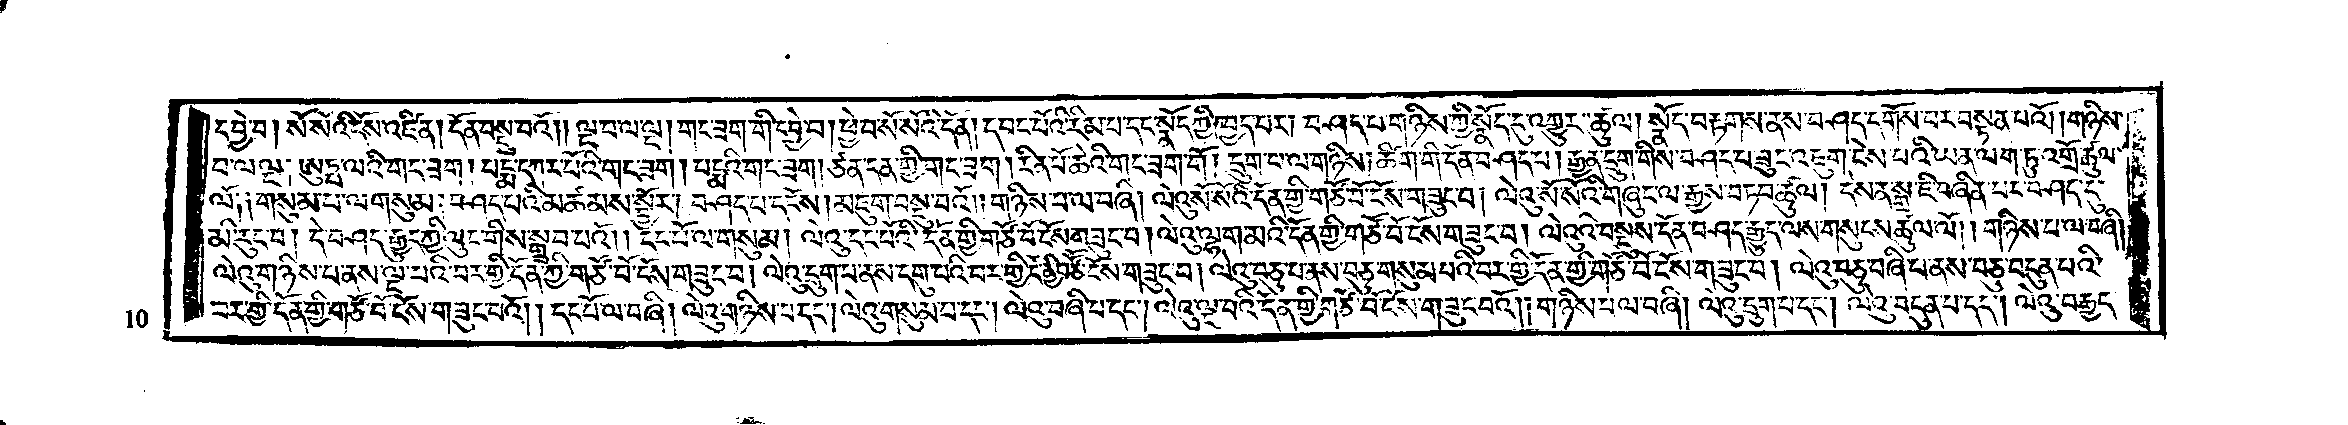དབྱེ་བ། སོ་སོའི་ངོས་འཛིན། དོན་བསྡུ་བའོ། །ལྔ་པ་ལ་ལྔ། གང་ཟག་གི་དབྱེ་བ། ཕྱེ་བ་སོ་སོའི་དོན། དབང་པོའི་རིམ་པ་དང་སྣོད་ཀྱི་ཁྱད་པར། བཤད་པ་གཉིས་ཀྱི་སྣོད་དུ་འགྱུར་ཚུལ། སྣོད་བརྟགས་ནས་བཤད་དགོས་པར་བསྟན་པའོ། །གཉིས་
པ་ལ་ལྔ། ཨུཏྤ་ལའི་གང་ཟག །པདམ་དཀར་པོའི་གང་ཟག །པདམའི་གང་ཟག །ཙན་དན་གྱི་གང་ཟག །རིན་པོ་ཆེའི་གང་ཟག་གོ །དྲུག་པ་ལ་གཉིས། ཚིག་གི་དོན་བཤད་པ། རྒྱན་དྲུག་གིས་བཤད་པ་ཟུང་འཇུག་ངེས་པའི་ཡན་ལག་ཏུ་འགྲོ་ཚུལ་
ལོ༑ ༑གསུམ་པ་ལ་གསུམ། བཤད་པའི་མཚམས་སྦྱོར། བཤད་པ་དངོས། མཇུག་བསྡུ་བའོ། །གཉིས་པ་ལ་བཞི། ལེའུ་སོ་སོའི་དོན་གྱི་གཙོ་བོ་ངོས་གཟུང་བ། ལེའུ་སོ་སོའི་གཞུང་ལ་རྒྱས་བཏབ་ཚུལ། དེས་ན་སྒྲ་ཇི་བཞིན་པར་བཤད་དུ་
མི་རུང་བ། དེ་བཤད་རྒྱུད་ཀྱི་ལུང་གིས་སྒྲུབ་པའོ། །དང་པོ་ལ་གསུམ། ལེའུ་དང་པོའི་དོན་གྱི་གཙོ་བོ་ངོས་གཟུང་བ། ལེའུ་ལྷག་མའི་དོན་གྱི་གཙོ་བོ་ངོས་གཟུང་བ། ལེའུའི་བསྡུས་དོན་བཤད་རྒྱུད་ལས་གསུངས་ཚུལ་ལོ། །གཉིས་པ་ལ་བཞི།
ལེའུ་གཉིས་པ་ནས་ལྔ་པའི་བར་གྱི་དོན་གྱི་གཙོ་བོ་ངོས་གཟུང་བ། ལེའུ་དྲུག་པ་ནས་དགུ་པའི་བར་གྱི་དོན་ནི་གཙོ་བོ་ངོས་གཟུང་བ། ལེའུ་བཅུ་པ་ནས་བཅུ་གསུམ་པའི་བར་གྱི་དོན་གྱི་གཙོ་བོ་ངོས་གཟུང་བ། ལེའུ་བཅུ་བཞི་པ་ནས་བཅུ་བདུན་པའི་
བར་གྱི་དོན་གྱི་གཙོ་བོ་ངོས་གཟུང་བའོ། །དང་པོ་ལ་བཞི། ལེའུ་གཉིས་པ་དང་། ལེའུ་གསུམ་པ་དང་། ལེའུ་བཞི་པ་དང་། ལེའུ་ལྔ་པའི་དོན་གྱི་གཙོ་བོ་ངོས་གཟུང་བའོ། །གཉིས་པ་ལ་བཞི། ལེའུ་དྲུག་པ་དང་། ལེའུ་བདུན་པ་དང་། ལེའུ་བརྒྱད་